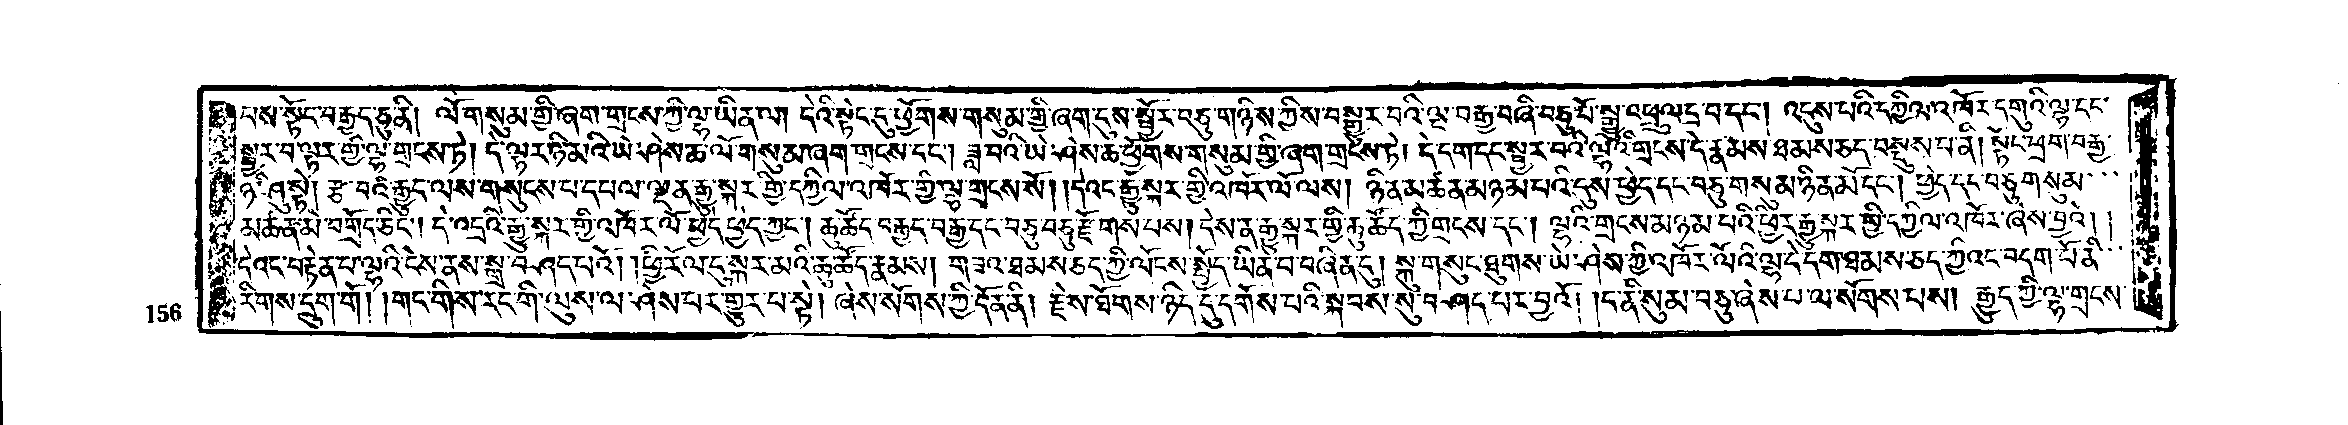པས་སྟོང་བརྒྱད་ཅུ་ནི། ལོ་གསུམ་གྱི་ཞག་གྲངས་ཀྱི་ལྷ་ཡིན་ལ། དེའི་སྟེང་དུ་ཕྱོགས་གསུམ་གྱི་ཞག་དུས་སྦྱོར་བཅུ་གཉིས་ཀྱིས་བསྒྱུར་བའི་ལྔ་བརྒྱ་བཞི་བཅུ་པོ་སྒྱུ་འཕྲུལ་དྲ་བ་དང་། འདུས་པའི་དཀྱིལ་འཁོར་དགུའི་ལྷ་དང་
སྦྱར་བ་ལྟར་གྱི་ལྷ་གྲངས་ཏེ། དེ་ལྟར་ཉི་མའི་ཡེ་ཤེས་ཆ་ལོ་གསུམ་ཞག་གྲངས་དང་། ཟླ་བའི་ཡེ་ཤེས་ཆ་ཕྱོགས་གསུམ་གྱི་ཞག་གྲངས་ཏེ། དེ་དག་དང་སྦྱར་བའི་ལྷའི་གྲངས་དེ་རྣམས་ཐམས་ཅད་བསྡུས་པ་ནི། སྟོང་ཕྲག་བརྒྱ་
ཉི་ཤུ་སྟེ། རྩ་བའི་རྒྱུད་ལས་གསུངས་པ་དཔལ་ལྡན་རྒྱུ་སྐར་གྱི་དཀྱིལ་འཁོར་གྱི་ལྷ་གྲངས་སོ། །དེའང་རྒྱུ་སྐར་གྱི་འཁོར་ལོ་ལས། ཉིན་མཚན་མཉམ་པའི་དུས་ཕྱེད་དང་བཅུ་གསུམ་ཉིན་མོ་དང་། ཕྱེད་དང་བཅུ་གསུམ་
མཚན་མེ་བགྲོད་ཅིང་། དེ་འདྲའི་རྒྱུ་སྐར་གྱི་འཁོར་ལོ་ཕྱེད་ཕྱེད་ཀྱང་། ཆུ་ཚོད་བརྒྱད་བརྒྱ་དང་བཅུ་བཅུ་རྫོགས་པས། དེས་ན་རྒྱུ་སྐར་གྱི་ཆུ་ཚོད་ཀྱི་གྲངས་དང་། ལྷའི་གྲངས་མཉམ་པའི་ཕྱིར་རྒྱུ་སྐར་གྱི་དཀྱིལ་འཁོར་ཞེས་བྱའོ། །
དེའང་བརྟེན་པ་ལྷའི་ངེས་ནས་སྒྲ་བཤད་པའོ། །ཕྱི་རོལ་དུ་སྐར་མའི་ཆུ་ཚོད་རྣམས། གཟའ་ཐམས་ཅད་ཀྱི་ལོངས་སྤྱོད་ཡིན་པ་བཞིན་དུ། སྐུ་གསུང་ཐུགས་ཡེ་ཤེས་ཀྱི་འཁོར་ལོའི་ལྷ་དེ་དག་ཐམས་ཅད་ཀྱིའང་བདག་པོ་ནི་
རིགས་དྲུག་གོ། །གང་གིས་རང་གི་ལུས་ལ་ཤེས་པར་གྱུར་པ་སྟེ། ཞེས་སོགས་ཀྱི་དོན་ནི། རྗེས་ཐོགས་ཉིད་དུ་དགོས་པའི་སྐབས་སུ་བཤད་པར་བྱའོ། །ད་ནི་སུམ་བཅུ་ཞེས་པ་ལ་སོགས་པས། རྒྱུད་ཀྱི་ལྷ་གྲངས་